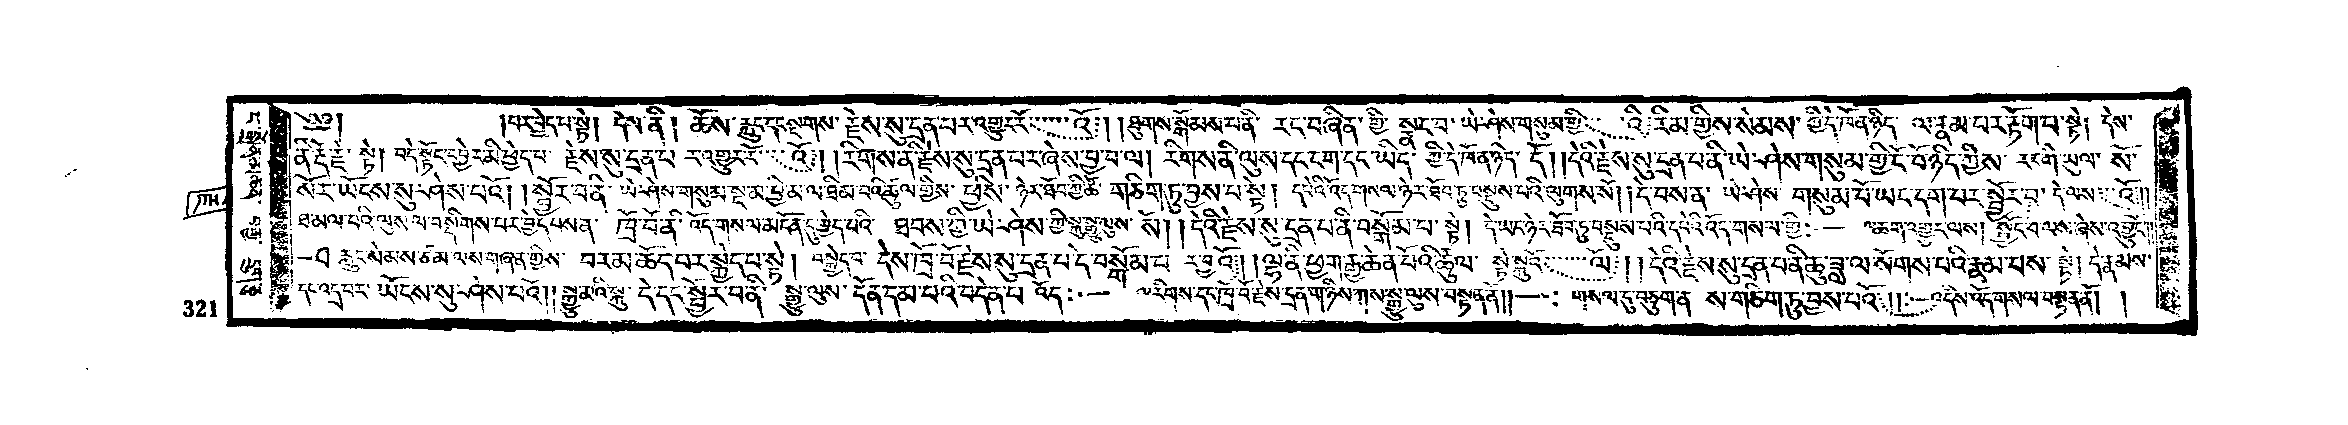༄༅། །པར་བྱེད་པ་སྟེ། དེས་ནི། ཆོས་རླུང་དང་སྔགས་རྗེས་སུ་དྲན་པར་འགྱུར་རོ་འོ། ཐུགས་སྒོམས་པ་ནི་རང་བཞིན་གྱི་སྣང་བ་ཡེ་ཤེས་གསུམ་གྱི་འི་རིམ་གྱིས་སེམས་ཀྱི་དེ་ཁོ་ན་ཉིད་ལ་རྣམ་པར་རྟོག་པ་སྟེ། དེས
ནི་རྡོ་རྗེ་སྟེ། བདེ་སྟོང་དབྱེར་མི་ཕྱེད་པ་རྗེས་སུ་དྲན་པར་འགྱུར་རོ་འོ། །རིགས་ནི་རྗེས་སུ་དྲན་པར་ཞེས་བྱ་བ་ལ། རིགས་ནི་ལྐུས་དང་ངག་དང་ཡིད་ཀྱི་དེ་ཁོ་ན་ཉིད་དོ། །དེའི་རྗེས་སུ་དྲན་པ་ནི་ཡེ་ཤེས་གསུམ་གྱི་ངོ་བོ་ཉིད་ཀྱིས་རང་གི་ཡུལ་སོ་
སོར་ཡོངས་སུ་ཤེས་པའོ། །སྦྱོར་བ་ནི་ཡེ་ཤེས་གསུམ་སྔ་མ་ཕྱི་མ་ལ་ཐིམ་པའི་ཚུལ་གྱིས་ཕྱིས་ཉེར་ཐོབ་ཀྱི་ཚེ་གཅིག་ཏུ་བྱས་པ་སྟེ། དཔེའི་འོད་གསལ་ཉེར་ཐོབ་ཏུ་བསྡུས་པའི་ལུགས་སོ།  །དེ་བས་ན་ཡེ་ཤེས་གསུམ་པོ་ཡང་དག་པར་སྦྱོར་བ་དེ་ལས་འོ།།
ཐ་མལ་པའི་ལུས་ལ་བསྡིགས་པར་བྱེད་པས་ན་ཁྲོ་བོ་ནི་འོད་གསལ་མངོན་དུ་བྱེད་པའི་ཐབས་ཀྱི་ཡེ་ཤེས་ཀྱི་སྐུ་སྒྱུ་ལུས་སོ། །དེའི་རྗེས་སུ་དྲན་པ་ནི་བསྒོམ་པ་སྟེ། དེ་ཡང་ཉེར་ཐོབ་ཏུ་བསྡུས་པའི་དཔེའི་འོད་གསལ་གྱི་H.་༧་ཆག་འགྱུར་ལས། སྦྱོང་བ་ལས་ཞེས་འབྱུང་ངོ།།
.H རླུང་སེམས་ཙམ་ལས་གཞན་གྱིས་བར་མ་ཆོད་པར་སྐྱེད་པ་སྟེ། བསྐྱེད་པ་དེས་ཁྲོ་བོ་རྗེས་སུ་དྲན་པ་དེ་བསྒོམ་པར་བྱའོ། །ལྷ་ནི་ཕྱག་རྒྱ་ཆེན་པོའི་ཚུལ་སྟེ་སྐུའོ་ལོ། །དེའི་རྗེས་སུ་དྲན་པ་ནི་ཆུ་ཟླ་ལ་སོགས་པའི་རྣམ་པས་སྟེ། དེ་རྣམས་
དང་འདྲ་བར་ཡོངས་སུ་ཤེས་པའོ། ། སྒྱུ་མའི་སྐུ་དེ་དང་སྦྱོར་བ་ནི་སྒྱུ་ལུས་དོན་དམ་པའི་བདེན་པ་འོད་H.་༧་རིགས་དང་ཁྲོ་བོ་རྗེས་དྲན་གཉིས་ཀས་སྒྱུ་ལུས་བསྟན་ནོ།། .H གསལ་དུ་བཅུག་ནས་གཅིག་ཏུ་བྱས་པའོ། ། H.་འདིས་འོད་གསལ་བསྟན་ནོ། །